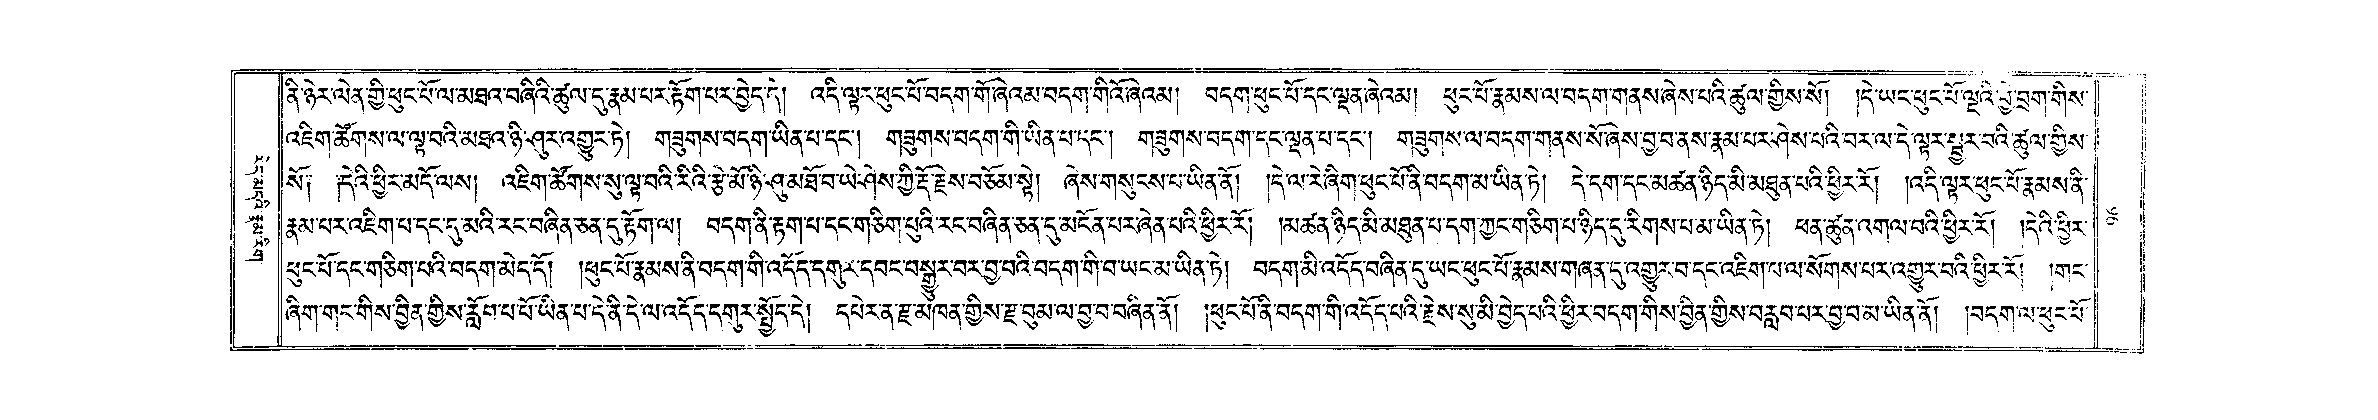ནི་ཉེར་ལེན་གྱི་ཕུང་པོ་ལ་མཐའ་བཞིའི་ཚུལ་དུ་རྣམ་པར་རྟོག་པར་བྱེད་དེ། འདི་ལྟར་ཕུང་པོ་བདག་གོ་ཞེའམ་བདག་གིའོ་ཞེའམ། བདག་ཕུང་པོ་དང་ལྡན་ཞེའམ། ཕུང་པོ་རྣམས་ལ་བདག་གནས་ཞེས་པའི་ཚུལ་གྱིས་སོ། །དེ་ཡང་ཕུང་པོ་ལྔའི་བྱེ་བྲག་གིས་
འཇིག་ཚོགས་ལ་ལྟ་བའི་མཐའ་ཉི་ཤུར་འགྱུར་ཏེ། གཟུགས་བདག་ཡིན་པ་དང་། གཟུགས་བདག་གི་ཡིན་པ་དང་། གཟུགས་བདག་དང་ལྡན་པ་དང་། གཟུགས་ལ་བདག་གནས་སོ་ཞེས་བྱ་བ་ནས་རྣམ་པར་ཤེས་པའི་བར་ལ་དེ་ལྟར་སྦྱར་བའི་ཚུལ་གྱིས་
སོ༑ ༑དེའི་ཕྱིར་མདོ་ལས། འཇིག་ཚོགས་སུ་ལྟ་བའི་རིའི་རྩེ་མོ་ཉི་ཤུ་མཐོ་བ་ཡེ་ཤེས་ཀྱི་རྡོ་རྗེས་བཅོམ་སྟེ། ཞེས་གསུངས་པ་ཡིན་ནོ། །དེ་ལ་རེ་ཞིག་ཕུང་པོ་ནི་བདག་མ་ཡིན་ཏེ། དེ་དག་དང་མཚན་ཉིད་མི་མཐུན་པའི་ཕྱིར་རོ། །འདི་ལྟར་ཕུང་པོ་རྣམས་ནི་
རྣམ་པར་འཇིག་པ་དང་དུ་མའི་རང་བཞིན་ཅན་དུ་རྟོག་ལ། བདག་ནི་རྟག་པ་དང་གཅིག་པུའི་རང་བཞིན་ཅན་དུ་མངོན་པར་ཞེན་པའི་ཕྱིར་རོ། །མཚན་ཉིད་མི་མཐུན་པ་དག་ཀྱང་གཅིག་པ་ཉིད་དུ་རིགས་པ་མ་ཡིན་ཏེ། ཕན་ཚུན་འགལ་བའི་ཕྱིར་རོ། །དེའི་ཕྱིར་
ཕུང་པོ་དང་གཅིག་པའི་བདག་མེད་དོ། །ཕུང་པོ་རྣམས་ནི་བདག་གི་འདོད་དགུར་དབང་བསྒྱུར་བར་བྱ་བའི་བདག་གི་བ་ཡང་མ་ཡིན་ཏེ། བདག་མི་འདོད་བཞིན་དུ་ཡང་ཕུང་པོ་རྣམས་གཞན་དུ་འགྱུར་བ་དང་འཇིག་པ་ལ་སོགས་པར་འགྱུར་བའི་ཕྱིར་རོ། །གང་
ཞིག་གང་གིས་བྱིན་གྱིས་རློབ་པ་པོ་ཡིན་པ་དེ་ནི་དེ་ལ་འདོད་དགུར་སྤྱོད་དེ། དཔེར་ན་རྫ་མཁན་གྱིས་རྫ་བུམ་ལ་བྱ་བ་བཞིན་ནོ། །ཕུང་པོ་ནི་བདག་གི་འདོད་པའི་རྗེས་སུ་མི་བྱེད་པའི་ཕྱིར་བདག་གིས་བྱིན་གྱིས་བརླབ་པར་བྱ་བ་མ་ཡིན་ནོ། །བདག་ལ་ཕུང་པོ་